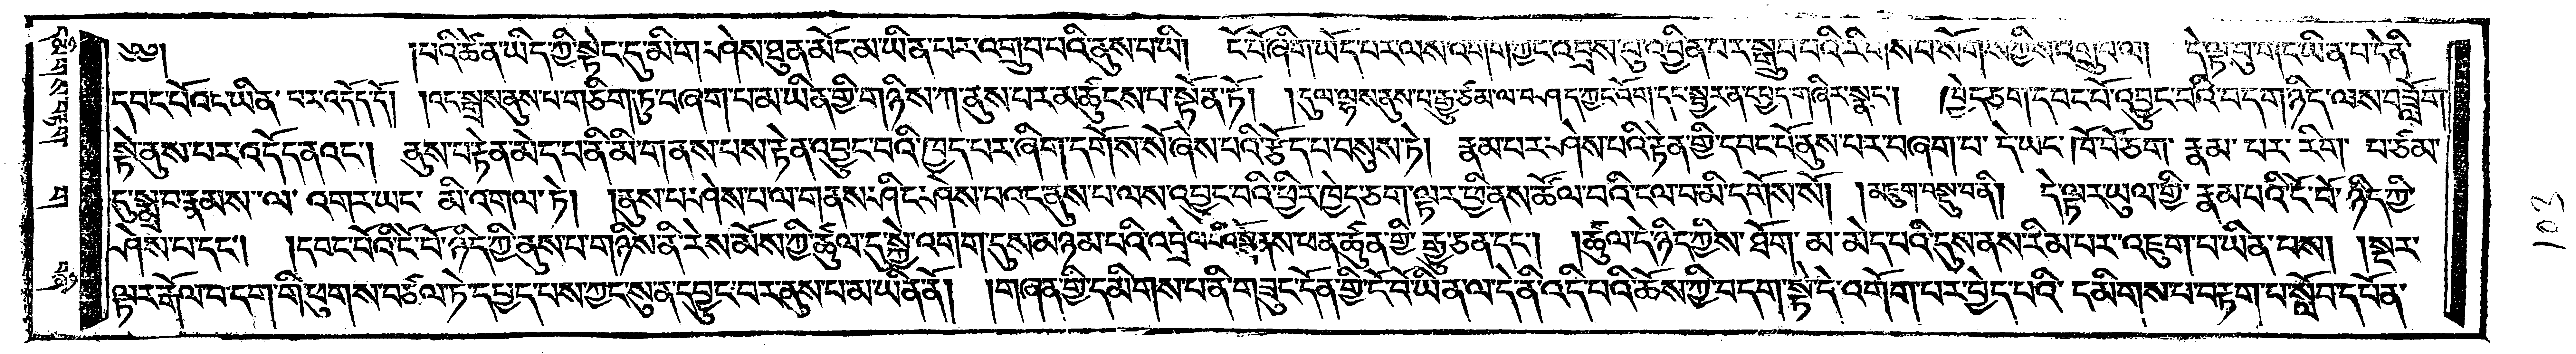༄༅། །པའི་ཚེན་ཡིད་ཀྱི་སྟེང་དུ་མིག་ཤེས་ཐུན་མོང་མ་ཡིན་པར་འགྲུབ་པའི་ནུས་པ་ཡཾ། ངོ་བོ་ཞིག་ཡོད་པར་ལས་འགག་ཀྱང་འབྲས་བུ་འབྱིན་པར་སྒྲུབ་པའི་རིགས་པ་སོགས་ཀྱིས་འགྲུབ་ལ། དེ་ལྟ་བུ་གང་ཡིན་པ་དེ་ནི་
དབང་པོའང་ཡིན་པར་འདོད་དོ། །འང་སྒྲས་ནུས་པ་གཅིག་ཏུ་བཞག་པ་མ་ཡིན་གྱི་གཉིས་ཀ་ནུས་པར་མཚུངས་པ་སྟོན་ཏོ། །དུལ་ལྷས་ནུས་པ་རྒྱུ་ཙམ་ལ་བཤད་ཀྱང་འོག་དང་སྦྱར་ན་དཔྱད་གཞིར་སྣང་། ཁྱེད་ཅག་དབང་པོ་འབྱུང་བའི་བདག་ཉིད་ལས་བཟློག་
སྟེ་ནུས་པར་འདོད་ནའང་། ནུས་བརྟེན་མེད་བ་ནི་མི་གནས་པས་རྟེན་འབྱུང་བའི་ཁྱད་པར་ཞིག་དགོས་སོ་ཞེས་བའི་རྩོད་པ་བསུས་ཏེ། རྣམ་པར་ཤེས་པའི་རྟེན་གྱི་དབང་པོ་ནུས་པར་བཞག་པ་དེ་ཡང་ཁོ་བོ་ཅག་རྣམ་པར་རིག་པ་ཙམ་
དུ་སྨྲ་བ་རྣམས་ལ་འགར་ཡང་མི་འགལ་ཏེ། །ནུས་པ་ཤེས་པ་ལ་གནས་ཤིང་ཤེས་བའང་ནུས་པ་ལས་འབྱུང་བའི་ཕྱིར་ཁྱེད་ཅག་ལྟར་ཕྱི་ནས་ཚོལ་བའི་ངལ་བ་མི་དགོས་སོ། །མཇུག་བསྡུ་བ་ནི། དེ་ལྟར་ཡུལ་གྱི་རྣམ་པའི་ངོ་བོ་ཉིད་ཀྱི་
ཤེས་པ་དང་། །དབང་པོའི་ངོ་བོ་ཉིད་ཀྱི་ནུས་པ་གཉིས་ནི་རེས་མོས་ཀྱི་ཚུལ་དུ་སྐྱེ་འགག་དུས་མཉམ་པའི་འབྲེལ་བའི་སྒོ་ནས་ཕན་ཚུན་གྱི་རྒྱུ་ཅན་དང་། །ཚུལ་དེ་ཉིད་ཀྱིས་ཐོག་མ་མེད་པའི་དུས་ནས་རིམ་པར་འཇུག་པ་ཡིན་པས། །སྔར་
ལྟར་རྒོལ་བ་དག་གི་ཕུགས་བཙལ་ཏེ་དཔྱད་པས་ཀྱང་སུན་དབྱུང་བར་ནུས་པ་མ་ཡིན་ནོ། །གཞན་གྱི་དམིགས་པ་ནི་གཟུང་དོན་གྱི་ངོ་བོ་ཡིན་ལ་དེ་ནི་འདི་བའི་ཆོས་ཀྱི་བདག་སྟེ་དེ་འགོག་པར་བྱེད་པའི་དམིགས་པ་བརྟག་པ་སློབ་དཔོན་